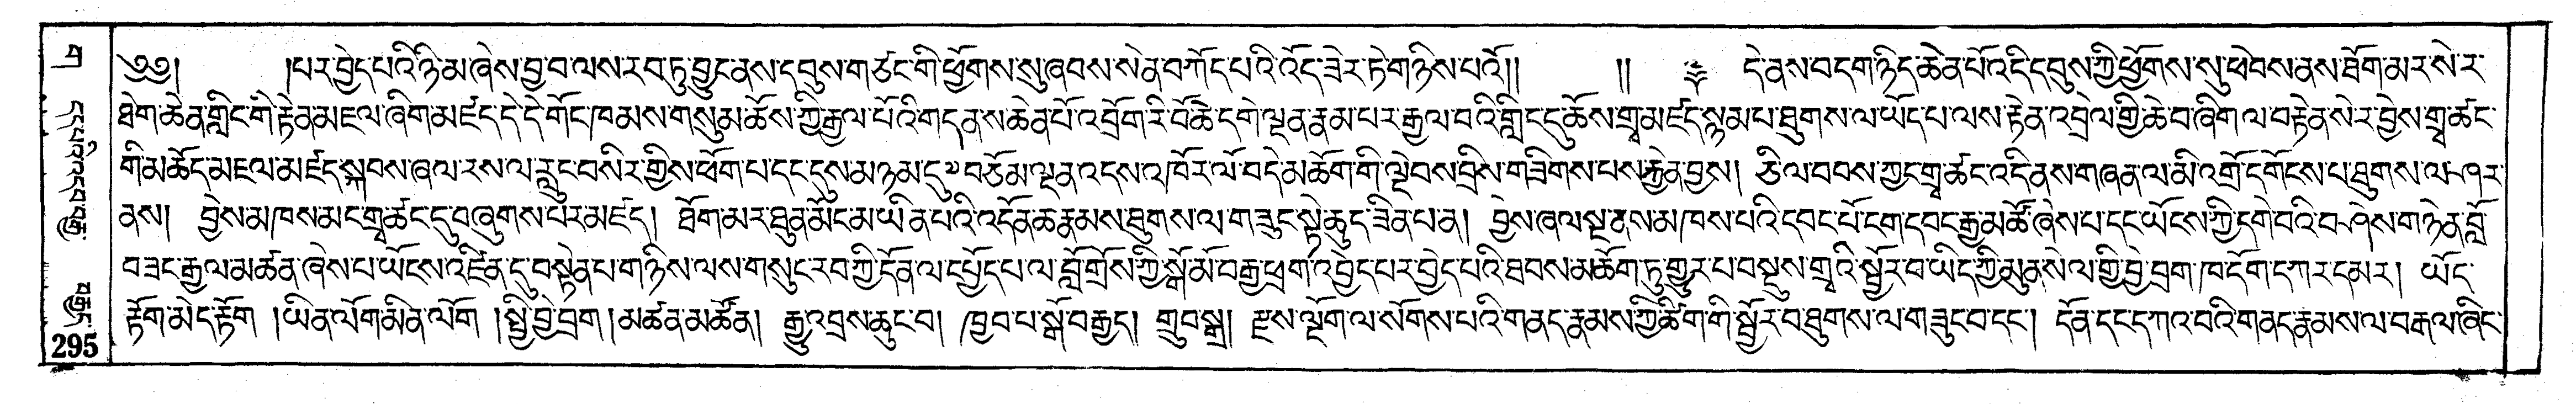༄༅། །པར་བྱེད་པའི་ཉི་མ་ཞེས་བྱ་བ་ལས་རབ་ཏུ་བྱུང་ནས་དབུས་གཙང་གི་ཕྱོགས་སུ་ཞབས་སེན་བཀོད་པའི་འོད་ཟེར་ཏེ་གཉིས་པའོ།། །།༈ དེ་ནས་བདག་ཉིད་ཆེན་པོ་འདི་དབུས་ཀྱི་ཕྱོགས་སུ་ཕེབས་ནས་ཐོག་མར་སེ་ར་
ཐེག་ཆེན་གླིང་གི་རྟེན་མཇལ་ཞིག་མཛད་དེ་དེ་གོང་ཁམས་གསུམ་ཆོས་ཀྱི་རྒྱལ་པོའི་གདན་ས་ཆེན་པོ་འབྲོག་རི་བོ་ཆེ་དགེ་ལྡན་རྣམ་པར་རྒྱལ་བའི་གླིང་དུ་ཆོས་གྲྭ་མཛད་སྙམ་པ་ཐུགས་ལ་ཡོད་པ་ལས་རྟེན་འབྲེལ་གྱི་ཆེ་བ་ཞིག་ལ་བརྟེན་སེར་བྱས་གྲྭ་ཚད་
གི་མཆོད་མཇལ་མཛད་སྐབས་ཞལ་རས་ལ་རླུང་བསིར་གྱིས་ཕོག་པ་དང་དུས་མཉམ་དུ་༧་བཅོམ་ལྡན་འདས་འཁོར་ལོ་བདེ་མཆོག་གི་ལྡེབས་བྲིས་གཟིགས་པས་རྐྱེན་བྱས། ཅི་ལ་བབས་ཀྱང་གྲྭ་ཚང་འདི་ནས་གཞན་ལ་མི་འགྲོ་དགོངས་པ་ཐུགས་ལ་ཤར་
ནས། བྱེས་མཁས་མང་གྲྭ་ཚང་དུ་བཞུགས་པར་མཛད། ཐོག་མར་ཐུན་མོང་མ་ཡིན་པའི་འདོན་ཆ་རྣམས་ཐུགས་ལ་གཟུང་སྟེ་ཆུང་ཟིན་པན། བྱེས་ཞལ་སྔ་ནས་མཁས་པའི་དབང་པོ་ངག་དབང་རྒྱ་མཆོ་ཞེས་པ་དང་ཡོངས་ཀྱི་དགེ་བའི་བཤེས་གཉེན་བློ་
བཟང་རྒྱལ་མཚན་ཞེས་པ་ཡོངས་འཛིན་དུ་བསྟེན་པ་གཉིས་ལས་གསུང་རབ་ཀྱི་དོན་ལ་དཔྱོད་པ་ལ་བློ་གྲོས་ཀྱི་སྒོ་མོ་བརྒྱ་ཕྲག་འབྱེད་པར་བྱེད་པའི་ཐབས་མཆོག་ཏུ་གྱུར་པ་བསྡུས་གྲྭའི་སྦྱོར་བ་ཡིད་ཀྱི་མུན་སེལ་གྱི་བྱེ་བྲག་ཁ་དོག་དཀར་དམར། ཡོད་
རྟོག་མེད་རྟོགས། ཡིན་ལོག་མིན་ལོག །སྤྱི་བྱེ་བྲག། མཚན་མཚོན། རྒྱུ་འབྲས་ཆུང་བ། ཁྱབ་པ་སྒོ་བརྒྱད། གྲུབ་སྒྲ། རྫས་ལྡོག་ལ་སོགས་པའི་གནད་རྣམས་ཀྱི་ཆིག་གི་སྦྱོར་བ་ཐུགས་ལ་གཟུང་བ་དང་། དོན་དང་དཀའ་བའི་གནད་རྣམས་ལ་བརྒལ་ཞིང་